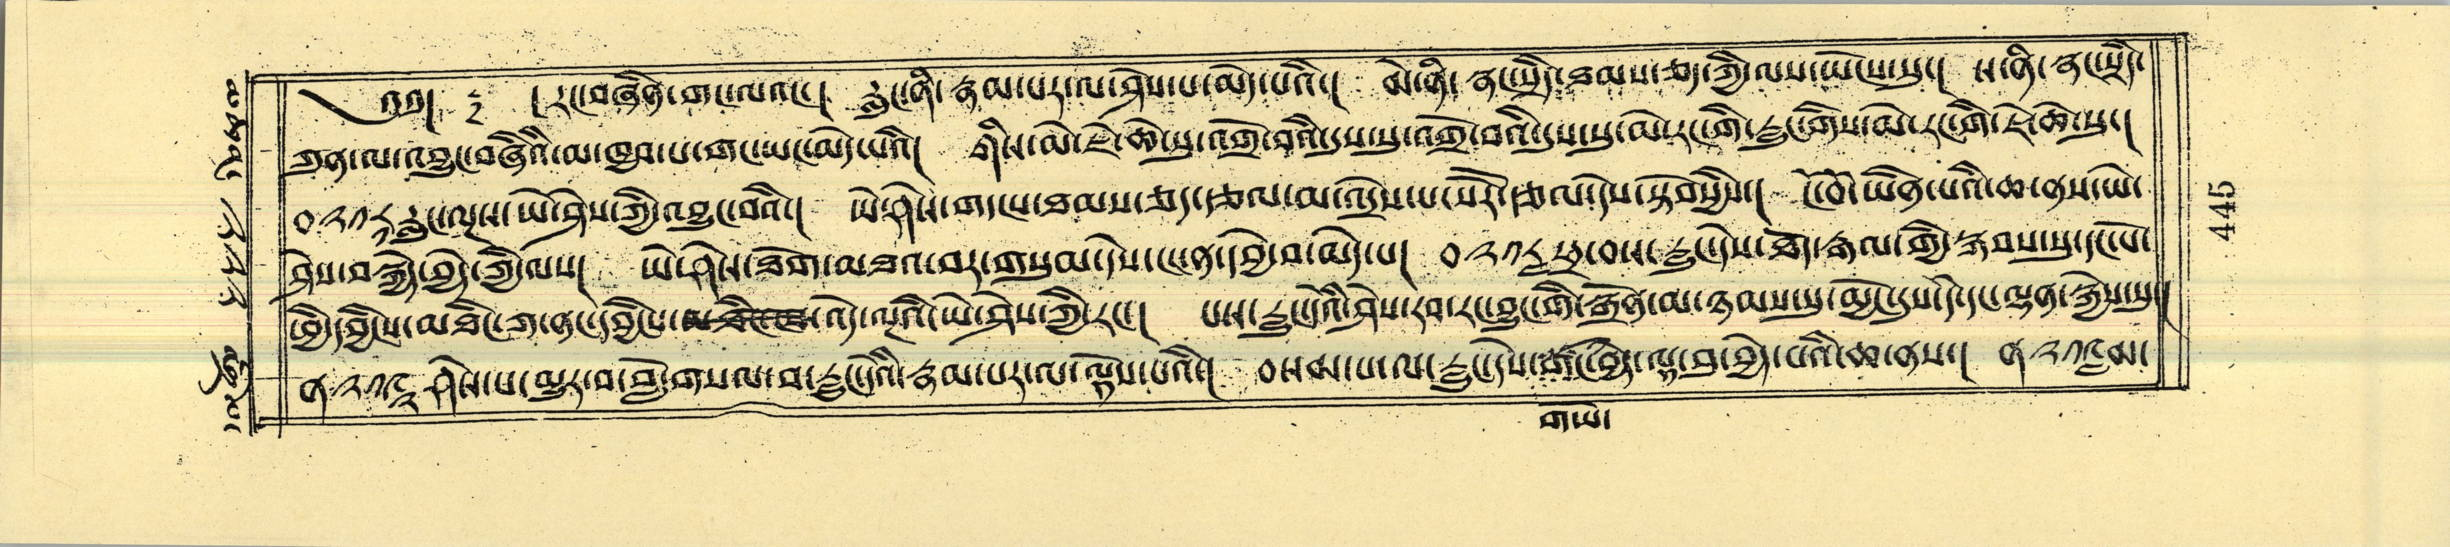རང་བཞིན་གང་ལའང་། རླུང་ནི་རྣམ་པར་ལ་ཤེས་པ་མེད་པའི་ མེ་ནི་སྣང་སྲིད་ཐམས་ཅད་ཀྱི་ལས་ཡོངས་སུ་ ས་ནི་ སྣང་སྲིད་
ཀུན་ལ་འབྱུང་བཞིའི་མ་ཁྱབ་པ་གང་ཡང་མེད་པའི་ གིས་མེ་ཇེ་ཆེ་སུ་འགྲོ་བའི་དུས་སུ་མེ་རང་གི་རླུང་གིས་མེ་རང་གི་ཇེ་ཆེ་སུ་
བ༢༡༨།༡རླུང་ལྔས་ཡེ་ཤེས་ཀྱི་འབྱུང་བའི་ ཡེ་ཤེས་གདངས་ཐམས་ཅད་རྩལ་མ་འདྲེས་པ་སོ་སོར་རྩལ་དེས་སྟོབས་ཀྱིས་ ངོ་བོ་ཡིན་པའི་ཆ་ནས་ཡེ་
ཤེས་སྐྱེད་བྱེད་ཀྱི་ལས། ཡེ་ཤེས་ཐོག་མཐའ་བར་གསུམ་དེས་ངང་ན་དབྱེ་བ་མེད་པ་ བ༢༡༨།༤ཕྲ་བསརླུང་དེས་ཐོད་རྒལ་གྱི་སྐབས་སུ་དང་པོ་
ཕྱི་དབྱིངས་མཐིང་ཀ་ནང་དབྱིངས་འོད་ལྔའི་ཡེ་ཤེས་ཀྱི་རང་། པས་རླུང་དེའི་ཤེས་རབ་རང་བྱུང་དེའི་ཤེས་རབ་རང་བྱུང་སྒྲོན་མ་ཉམས་སུ་མྱོང་དུས་དེ་དང་ལྷན་སྐྱེས་སུ་
ན༢༡༩།༢ཤེས་པ་མྱུར་བ་བློ་གསལ་བ་རླུང་དེའི་རྣམ་པར་ལ་ལྟོས་པའི་ བསམ་པ་ལ་རླུང་དེས་གང་གཡོ་བྱེད་ལྟ་བུ་བྱེད་པའི་ཆ་ནས་ ན༢༡༩།༤མ་